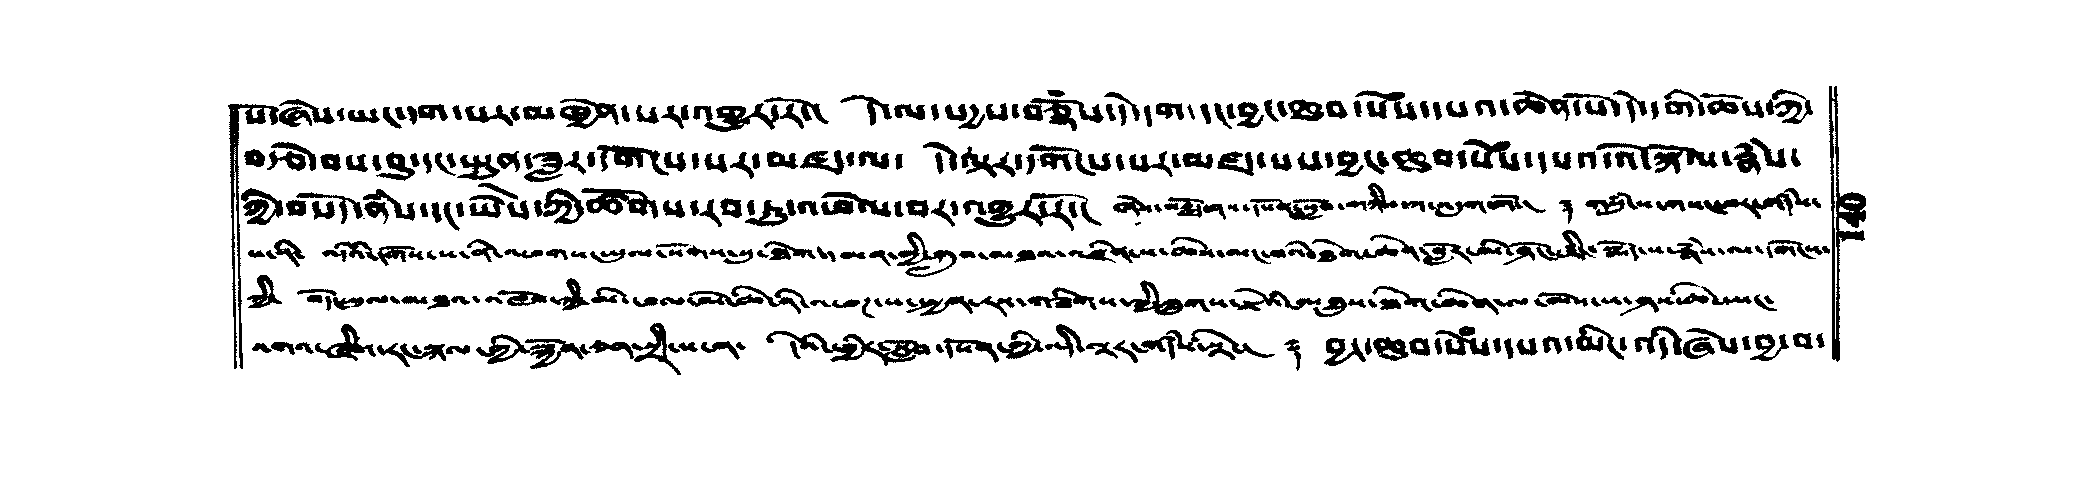པོ་ཞེས་ཡང་དག་པར་མཁྱེན་པར་འགྱུར་རོ། དེ་ལ་སངས་རྒྱས་བཅོམ་ལྡན་འདས་དེ་དག་དང་བྱང་ཆུབ་སེམས་དཔའ་ཆེན་པོ་དེ་དག་གི་ཆོས་ཀྱི་
བརྩེ་བས་བུ་དང་སྤུན་ཟླར་དགོངས་པར་མཛད་ལ། དེ་ལྟར་དགོངས་པར་མཛད་པས་བྱང་ཆུབ་སེམས་དཔའ་འོ་སྐོལ་རྣམས་
ཀྱི་བསོད་ནམས་དང་ཡེ་ཤེས་ཀྱི་ཚོགས་རབ་ཏུ་འཕེལ་བར་འགྱུར་རོ།ཞེས་བརྗོད་ནས་དཔོན་སློབ་གཉིས་ཀ་འདུག་གོ གསུམ་པ་གསང་བར་གདམས་
པ་ནི། འདིའི་དགོས་པ་ནི་འཕགས་ཡུལ་སོགས་སུ་ཐོག་དམན་གྱི་གྲུབ་མཐའ་འཛིན་པ་ཆེས་མང་བའི་ཐེག་ཆེན་བློར་མི་ཤོང་ཞིང་སྨོད་པ་རྣམས་ལ་དགོངས་
ཀྱི། བོད་ཡུལ་མཐའ་འཁོབ་ཀྱི་མི་ཕལ་མོ་ཆེ་ནི་འཕགས་པ་སྤྱན་རས་གཟིགས་ཀྱི་ཐུགས་རྗེའི་མཐུས་ཐེག་ཆེན་ལ་མོས་པ་ཤས་ཆེ་ཡང་། 
འགའ་ཞིག་རང་སྐལ་གྱི་སྐྱོན་ཅན་སྲིད་པ་ན། དེའི་ཕྱིར་སློབ་དཔོན་གྱི་འདི་ལྟར་གདམས་ཏེ། ༈ བྱང་ཆུབ་སེམས་དཔའ་མིང་འདི་ཞེས་བྱ་བ་